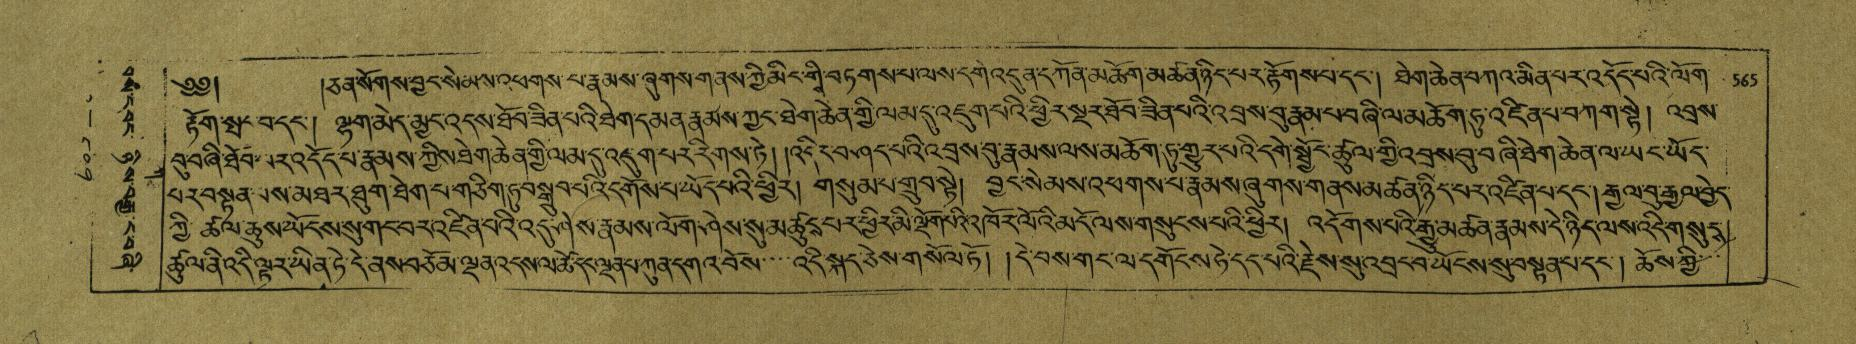༄༅། །ཅན་སོགས་བྱང་སེམས་འཕགས་པ་རྣམས་ཞུགས་གནས་ཀྱི་མིང་གིས་བཏགས་པ་ལས་དགེ་འདུན་དཀོན་མཆོག་མཚན་ཉིད་པར་རྟོགས་པ་དང་། ཐེག་ཆེན་བཀའ་མིན་པར་འདོད་པའི་ལོག་
རྟོག་སྤང་བ་དང་། ལྷག་མེད་མྱང་འདས་ཐོབ་ཟིན་པའི་ཐེག་དམན་རྣམས་ཀྱང་ཐེག་ཆེན་གྱི་ལམ་དུ་འཇུག་པའི་ཕྱིར་སྔར་ཐོབ་ཟིན་པའི་འབྲས་བུ་རྣམ་པ་བཞི་ལ་མཆོག་ཏུ་འཛིན་པ་བཀག་སྟེ། འབྲས་
བུ་བཞི་ཐོབ་པར་འདོད་པ་རྣམས་ཀྱིས་ཐེག་ཆེན་གྱི་ལམ་དུ་འཇུག་པར་རིགས་ཏེ། །འདིར་བཤད་པའི་འབྲས་བུ་རྣམས་ལས་མཆོག་ཏུ་གྱུར་པའི་དགེ་སྦྱོང་ཚུལ་གྱི་འབྲས་བུ་བཞི་ཐེག་ཆེན་ལ་ཡང་ཡོད་
པར་བསྟན་པས་མཐར་ཐུག་ཐེག་པ་གཅིག་ཏུ་བསྒྲུབ་པའི་དགོས་པ་ཡོད་པའི་ཕྱིར། གསུམ་པ་གྲུབ་སྟེ། བྱང་སེམས་འཕགས་པ་རྣམས་ཞུགས་གནས་མཚན་ཉིད་པར་འཛིན་པ་དང་། རྒྱལ་བུ་རྒྱལ་བྱེད་
ཀྱི་ཚུལ་ཆུས་ཡོངས་སུ་གང་བར་འཛིན་པའི་འདུ་ཤེས་རྣམས་ལོག་ཤེས་སུ་མཚུངས་པར་ཕྱིར་མི་ལྡོག་པའི་འཁོར་ལོའི་མདོ་ལས་གསུངས་པའི་ཕྱིར། འདོགས་པའི་རྒྱུ་མཚན་རྣམས་དེ་ཉིད་ལས་འདི་གསུངས་
ཚུལ་ནི་འདི་ལྟར་ཡིན་ཏེ་དེ་ནས་བཅོམ་ལྡན་འདས་ལ་ཚེ་དང་ལྡན་པ་ཀུན་དགའ་བོས་འདི་སྐད་ཅེས་གསོལ་ཏོ། །དེ་བས་གང་ལ་དགོངས་ཏེ་དད་པའི་རྗེས་སུ་འབྲང་བ་ཡོངས་སུ་བསྟན་པ་དང་། ཆོས་ཀྱི་